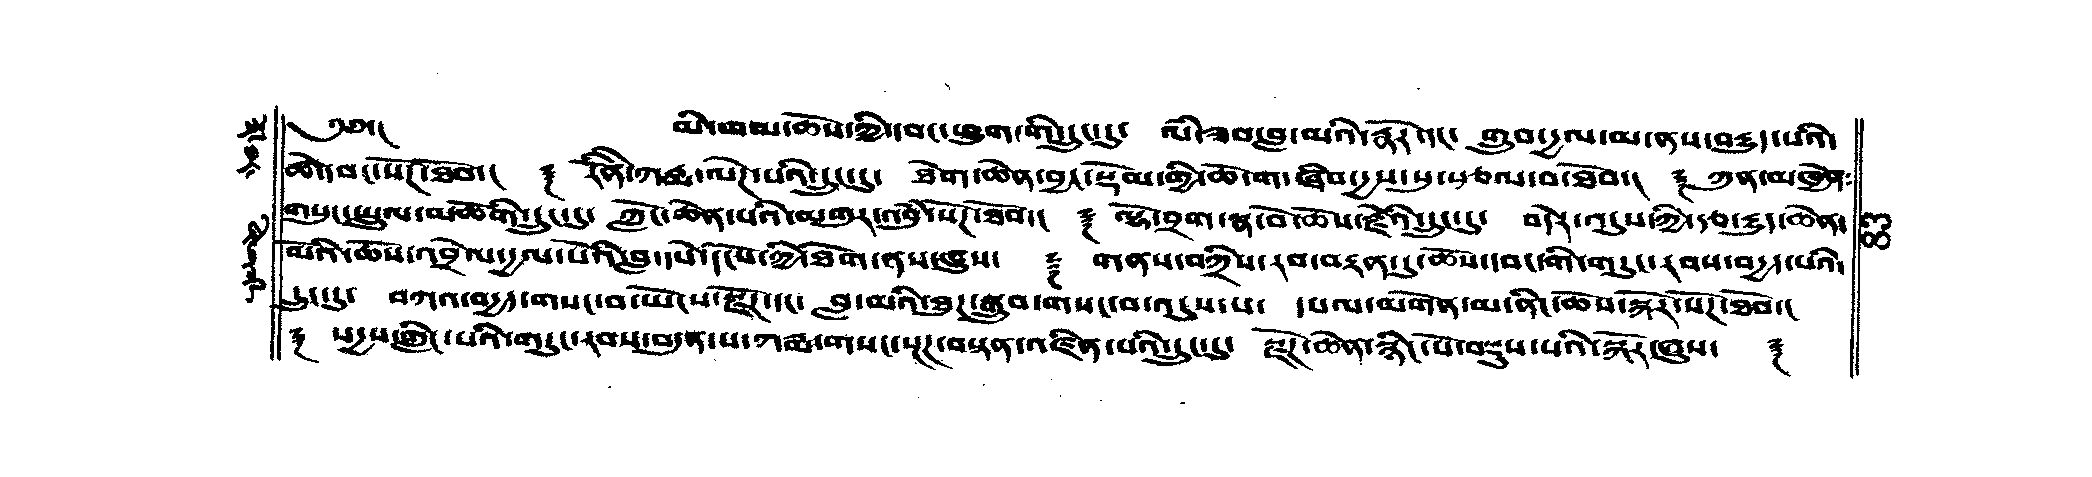མི་ཕམ་ཆོས་ཀྱི་དབང་ཕྱུག་གི་དྲུང་དུ། ལམ་ཟབ་བླ་མའི་རྣལ་འབྱོར་དང་། གྲུབ་རྒྱལ་མ་ནས་བརྒྱུད་པའི་
ཚེ་དབང་སོགས་ཐོབ། ༈ རིན་པོ་ཆེ་ཀརྨ་ལེགས་པའི་དྲུང་དུ། ཐེག་ཆེན་བྱང་སྡོམ་གྱི་ཆོ་ག་ཞིབ་རྒྱས་སུ་སྩལ་བ་ཐོབ། ༈ ཀུན་མཁྱེན་
གསུང་སྤྲུལ་མཆོག་གི་དྲུང་དུ། ཀློང་ཆེན་པའི་མགུར་འབུམ་སོགས་ཐོབ། ༈ ལྷོ་བྲག་སྣ་བོ་ཆོས་རྗེའི་དྲུང་དུ། བདེར་འདུས་ཀྱི་རྩ་རྒྱུད་ཆེན་
མོའི་ཆོས་འབྲེལ་རྒྱལ་པོའི་བླ་དཔེ་དངོས་ཀྱི་ཐོག་ནས་ཞུས། ༈ གནས་བཀྲ་ཤིས་རབ་བརྟན་དུ་ཆོས་དབང་གི་གདུང་རབས་བརྒྱད་པའི་
དྲུང་དུ། བཀའ་བརྒྱད་གསང་བ་ཡོངས་རྫོགས་དང་། བླ་མའི་ཐུགས་སྒྲུབ་གསང་བ་འདུས་པ། དཔལ་མགོན་མ་ནིང་ཆོས་སྐོར་སོགས་ཐོབ། 
༈ སངས་རྒྱས་གླིང་པའི་གདུང་རབས་བདུན་པ་ཀརྨ་གསང་སྔགས་བསྟན་འཛིན་པའི་དྲུང་དུ། རྫོགས་ཆེན་སྙིང་པོ་བསྡུས་པའི་སྐོར་ཞུས། ༈